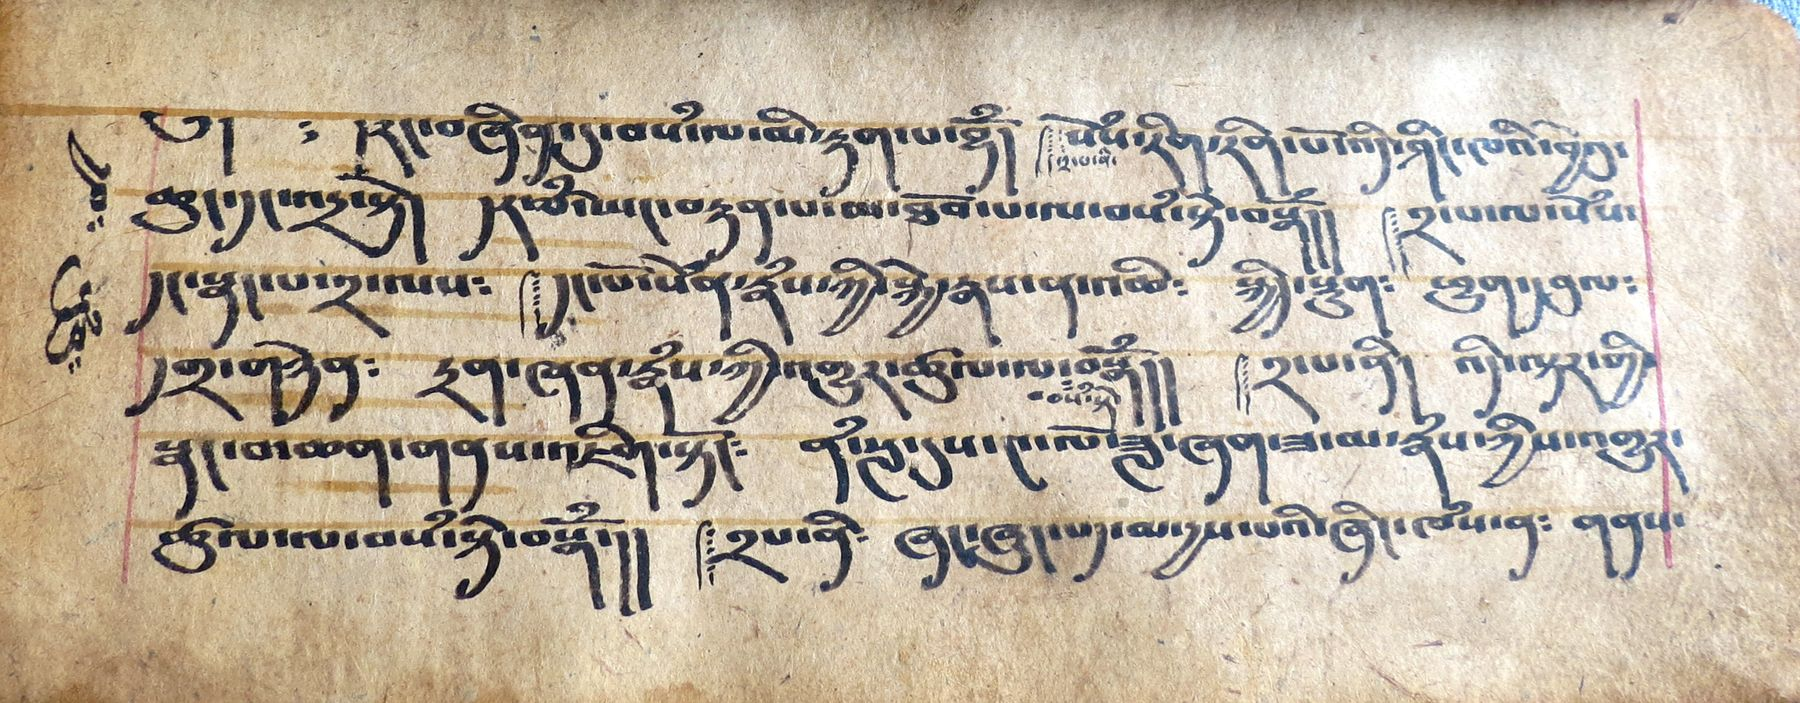རང་བཞིན་དུ་བསམ་ལ་མི་རྟག་པ་བསྒོམ། གཉིས་པ་སེམས་རིག་པ་འདི་ཤིང་ཁའི་བྱེའུ་
ཆུང་དང་འདྲ་སྟེ། དར་ཙམ་ཡང་བརྟན་པ་མ་ཐོབ་པ་ལ་བསམ་ལ་བསྒོམ། གཉིས་པ་༼གཞན་རྒྱུད་ལ་བརྟེན་པ་༽ལ་གཉིས། སེམས་
དང་སྣང་བ་གཉིས་ལས། དང་པོ་སེམས་ཅན་རྣམས་ཀྱི་སྐྱེ་རྒ་ན་འཆི། སྐྱིད་སྡུག། ཕྱུག་དབུལ། 
དགྲ་གཉེན། དྲག་ཞན་རྣམས་ཀྱི་འགྱུར་ཚུལ་ལ་ཡང་བསམ་ལ་བསྒོམ། གཉིས་པ་༼སྣང་བ་ལ་བརྟེན་པ༽ནི། འདི་ལྟར་གྱི་
སྣང་བ་འདི། ཆགས་གནས་འཇིག་སྟོང་། ནམ་ཟླ་དུས་བཞི་ལོ་ཟླ་ཞག་ཟ་མ་རྣམས་ཀྱི་འགྱུར་
ཚུལ་ལ་བསམ་ལ་བསྒོམ། གཉིས་པ་༼གནས་ལ་བསྟེན་པ༽ནི་ཞང་ཞུང་པདྨ་རྒྱས་པའི་ཞིང་ཁམས་ན། གནས་